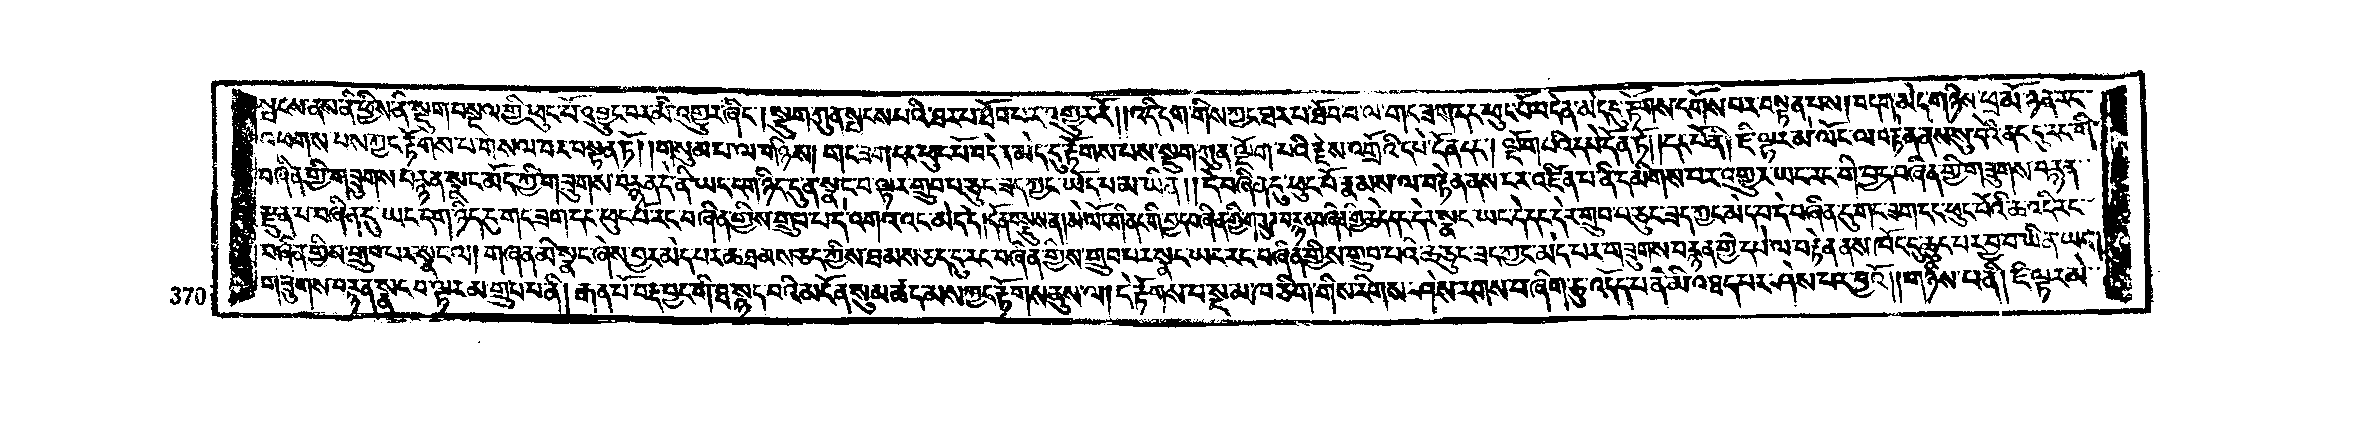སྤངས་ནས་ནི་ཕྱིས་ནི་སྡུག་བསྔལ་གྱི་ཕུང་པོ་འབྱུང་བར་མི་འགྱུར་ཞིང་། སྡུག་ཀུན་སྤངས་པའི་ཐར་པ་ཐོབ་པར་འགྱུར་རོ། །འདི་དག་གིས་ཀྱང་ཐར་པ་ཐོབ་པ་ལ་གང་ཟག་དང་ཕུང་པོ་བདེན་མེད་དུ་རྟོགས་དགོས་པར་བསྟན་པས། བདག་མེད་གཉིས་ཕྲ་མོ་ཉན་རང་
འཕགས་པས་ཀྱང་རྟོགས་པ་གསལ་བར་བསྟན་ཏོ། །གསུམ་པ་ལ་གཉིས། གང་ཟག་དང་ཕུང་པོ་བདེན་མེད་དུ་རྟོགས་པས་སྡུག་ཀུན་ལྡོག་པའི་རྗེས་འགྲོའི་དཔེ་དོན་དང་། ལྡོག་པའི་དཔེ་དོན་ཏོ། །དང་པོ་ནི། ཇི་ལྟར་མེ་ལོང་ལ་བརྟེན་ནས་སུ་དེའི་ངང་དུ་རང་གི་
བཞིན་གྱི་གཟུགས་བརྙན་སྣང་མོད་ཀྱི་གཟུགས་བརྙན་དེ་ནི་ཡང་དག་ཉིད་དུ་ན་སྣང་བ་ལྟར་གྲུབ་པ་ཅུང་ཟད་ཀྱང་ཡོད་པ་མ་ཡིན། །དེ་བཞིན་དུ་ཕུང་པོ་རྣམས་ལ་བརྟེན་ནས་ངར་འཛིན་པ་ནི་དམིགས་པར་འགྱུར་ཡང་རང་གི་བྱད་བཞིན་གྱི་གཟུགས་བརྙན་
རྫུན་པ་བཞིན་དུ་ཡང་དག་ཉིད་དུ་གང་ཟག་དང་ཕུང་པོ་རང་བཞིན་གྱིས་གྲུབ་པ་དེ་འགའ་འང་མེད་དོ། དོན་བསྡུས་ན། མེ་ལོང་གི་ནང་གི་བྱད་བཞིན་གྱི་གཟུགས་བརྙན་བཞིན་གྱི་ཆ་དེ?་དང་དེར་སྣང་ཡང་དེ་དང་དེར་གྲུབ་པ་ཅུང་ཟད་ཀྱང་མེད་པ་དེ་བཞིན་དུ་གང་ཟག་དང་ཕུང་པོའི་ཆ་འདི་རང་
བཞིན་གྱིས་གྲུབ་པར་སྣང་ལ། གཞན་མི་སྣང་ཞེས་བྱར་མེད་པར་ཆ་ཐམས་ཅད་ཀྱིས་ཐམས་ཅད་དུ་རང་བཞིན་གྱིས་གྲུབ་པར་སྣང་ཡང་རང་བཞིན་གྱིས་གྲུབ་པའི་ཆ་ཅུང་ཟད་ཀྱང་མེད་པར་གཟུགས་བརྙན་གྱི་དཔེ་ལ་བརྟེན་ནས་ཁོང་དུ་ཆུད་པར་བྱ་བ་ཡིན་ཡང་།
གཟུགས་བརྙན་སྣང་བ་ལྟར་མ་གྲུབ་པ་ནི། རྒན་པོ་བརྡ་བྱང་གི་ཐ་སྙད་པའི་མངོན་སུམ་ཚད་མས་ཀྱང་རྟོགས་ནུས་ལ། དེ་རྟོགས་པ་སྔ་མ་ཁ་ཅིག་གིས་རིགས་ཤེས་རགས་པ་ཞིག་ཅུ་འདོད་པ་ནི་མི་འཐད་པར་ཤེས་པར་བྱའོ། །གཉིས་པ་ནི། ཇི་ལྟར་མེ་